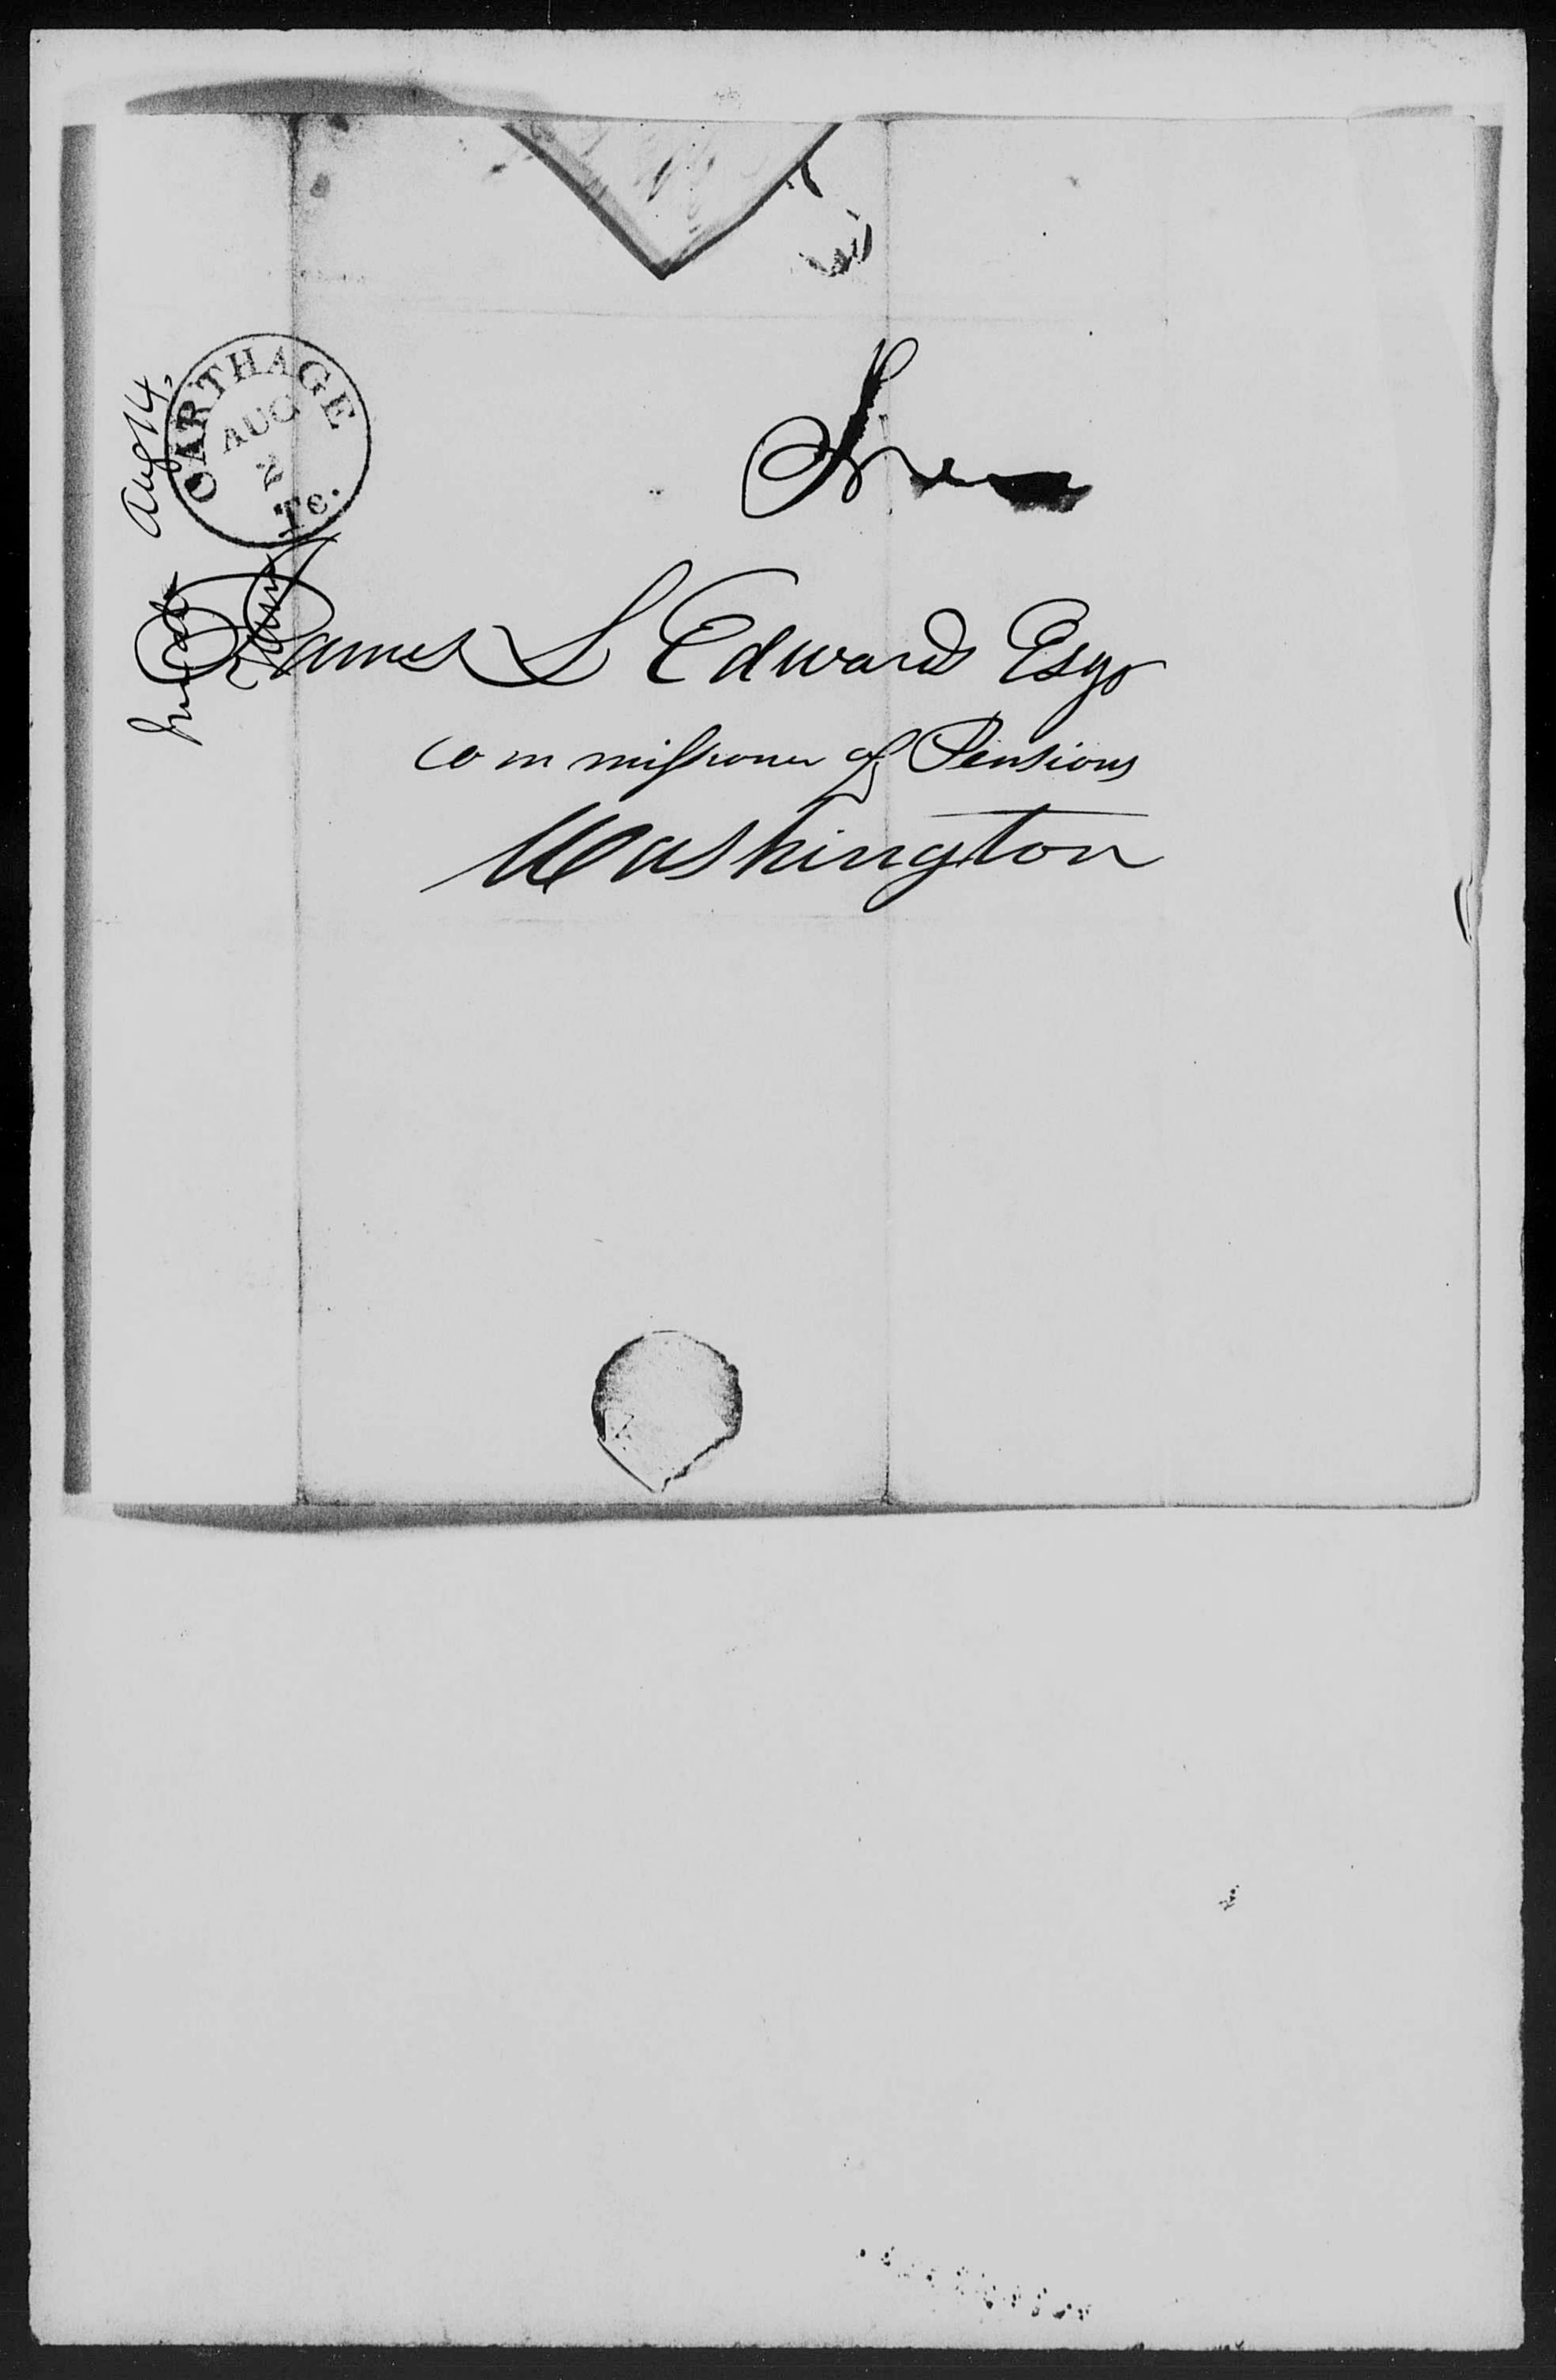[circular stamp] Carthage Aug 2 Te
[illegible]
James L Edward Esq
Commissioner of Pensions
Washington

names: James L Edwards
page: 41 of 62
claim: widow's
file: W 7005, Frederick Debow, N.C.